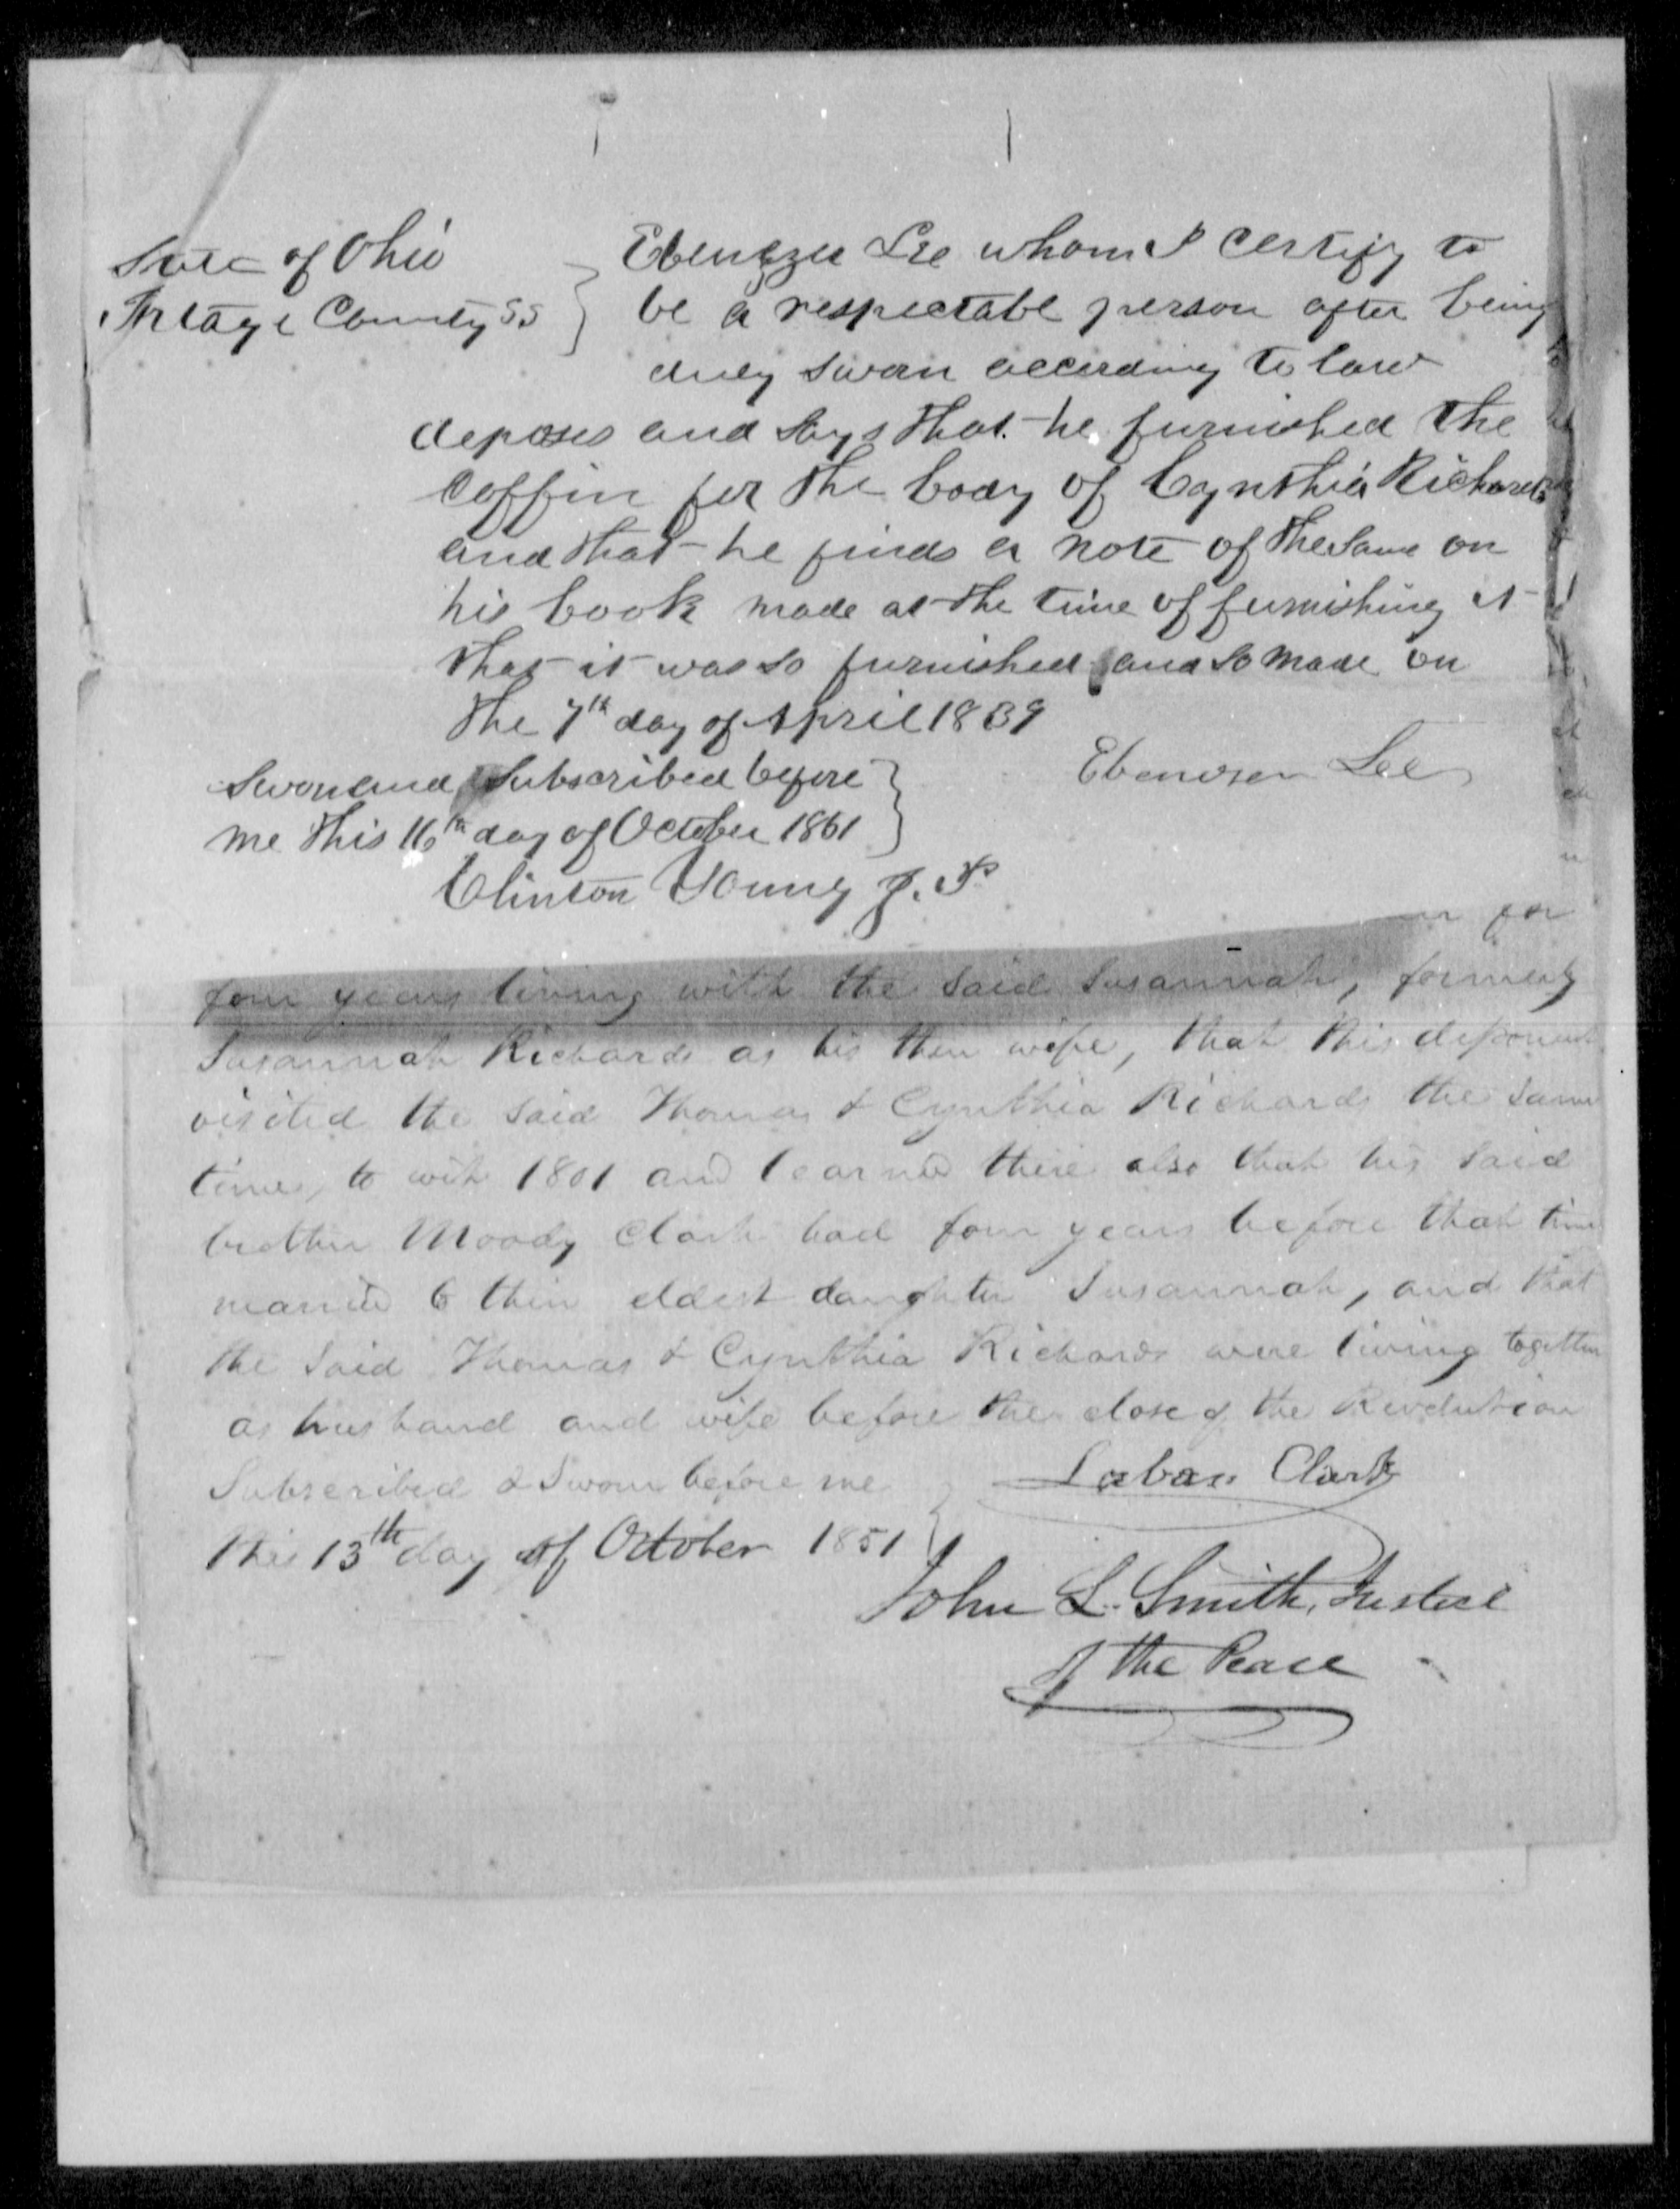State of Ohio
Portage County SS} Ebenezer Lee whom I certify to be a respectable person after being
duly sworn according to law deposes and says that he furnished the coffin for the body of Cynthia Richards and that he finds a note of the same on his book made at the time of furnishing it that it was so furnished and so made on the 7th day of April 1839
Ebenezer Lee
Sworn and Subscribed before me this 16th day of October 1861}
Clinton Young J. P. [JUSTICE PEACE]

for four years living with the said Susannah, formerly Susannah Richards as his then 
wife, that this deponent visited the said Thomas & Cynthia Richards the same time, to wit 1801 and learned there also that his said
brother Moody Clark had four years before that time married to their eldest daughter Susannah, and that the said Thomas & Cynthia Richards were living together as husband and wife before the close of the Revolution
Subscribed & Sworn before me
Laban Clark
this 13th day of October 1851
John L. Smith, Justice of the Peace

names: Laban Clark; John L Smith; Thomas Richards; Cynthia Richards; Susannah [BLANK]; Clinton Young; Moody Clark; Susannah Richards; Cynthia Richards; Ebenezer Lee; Thomas Richards; Cynthia Richards; Ebenezer Lee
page: 76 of 109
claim: widow's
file: W. 5709, for Thomas Richards, New Hampshire